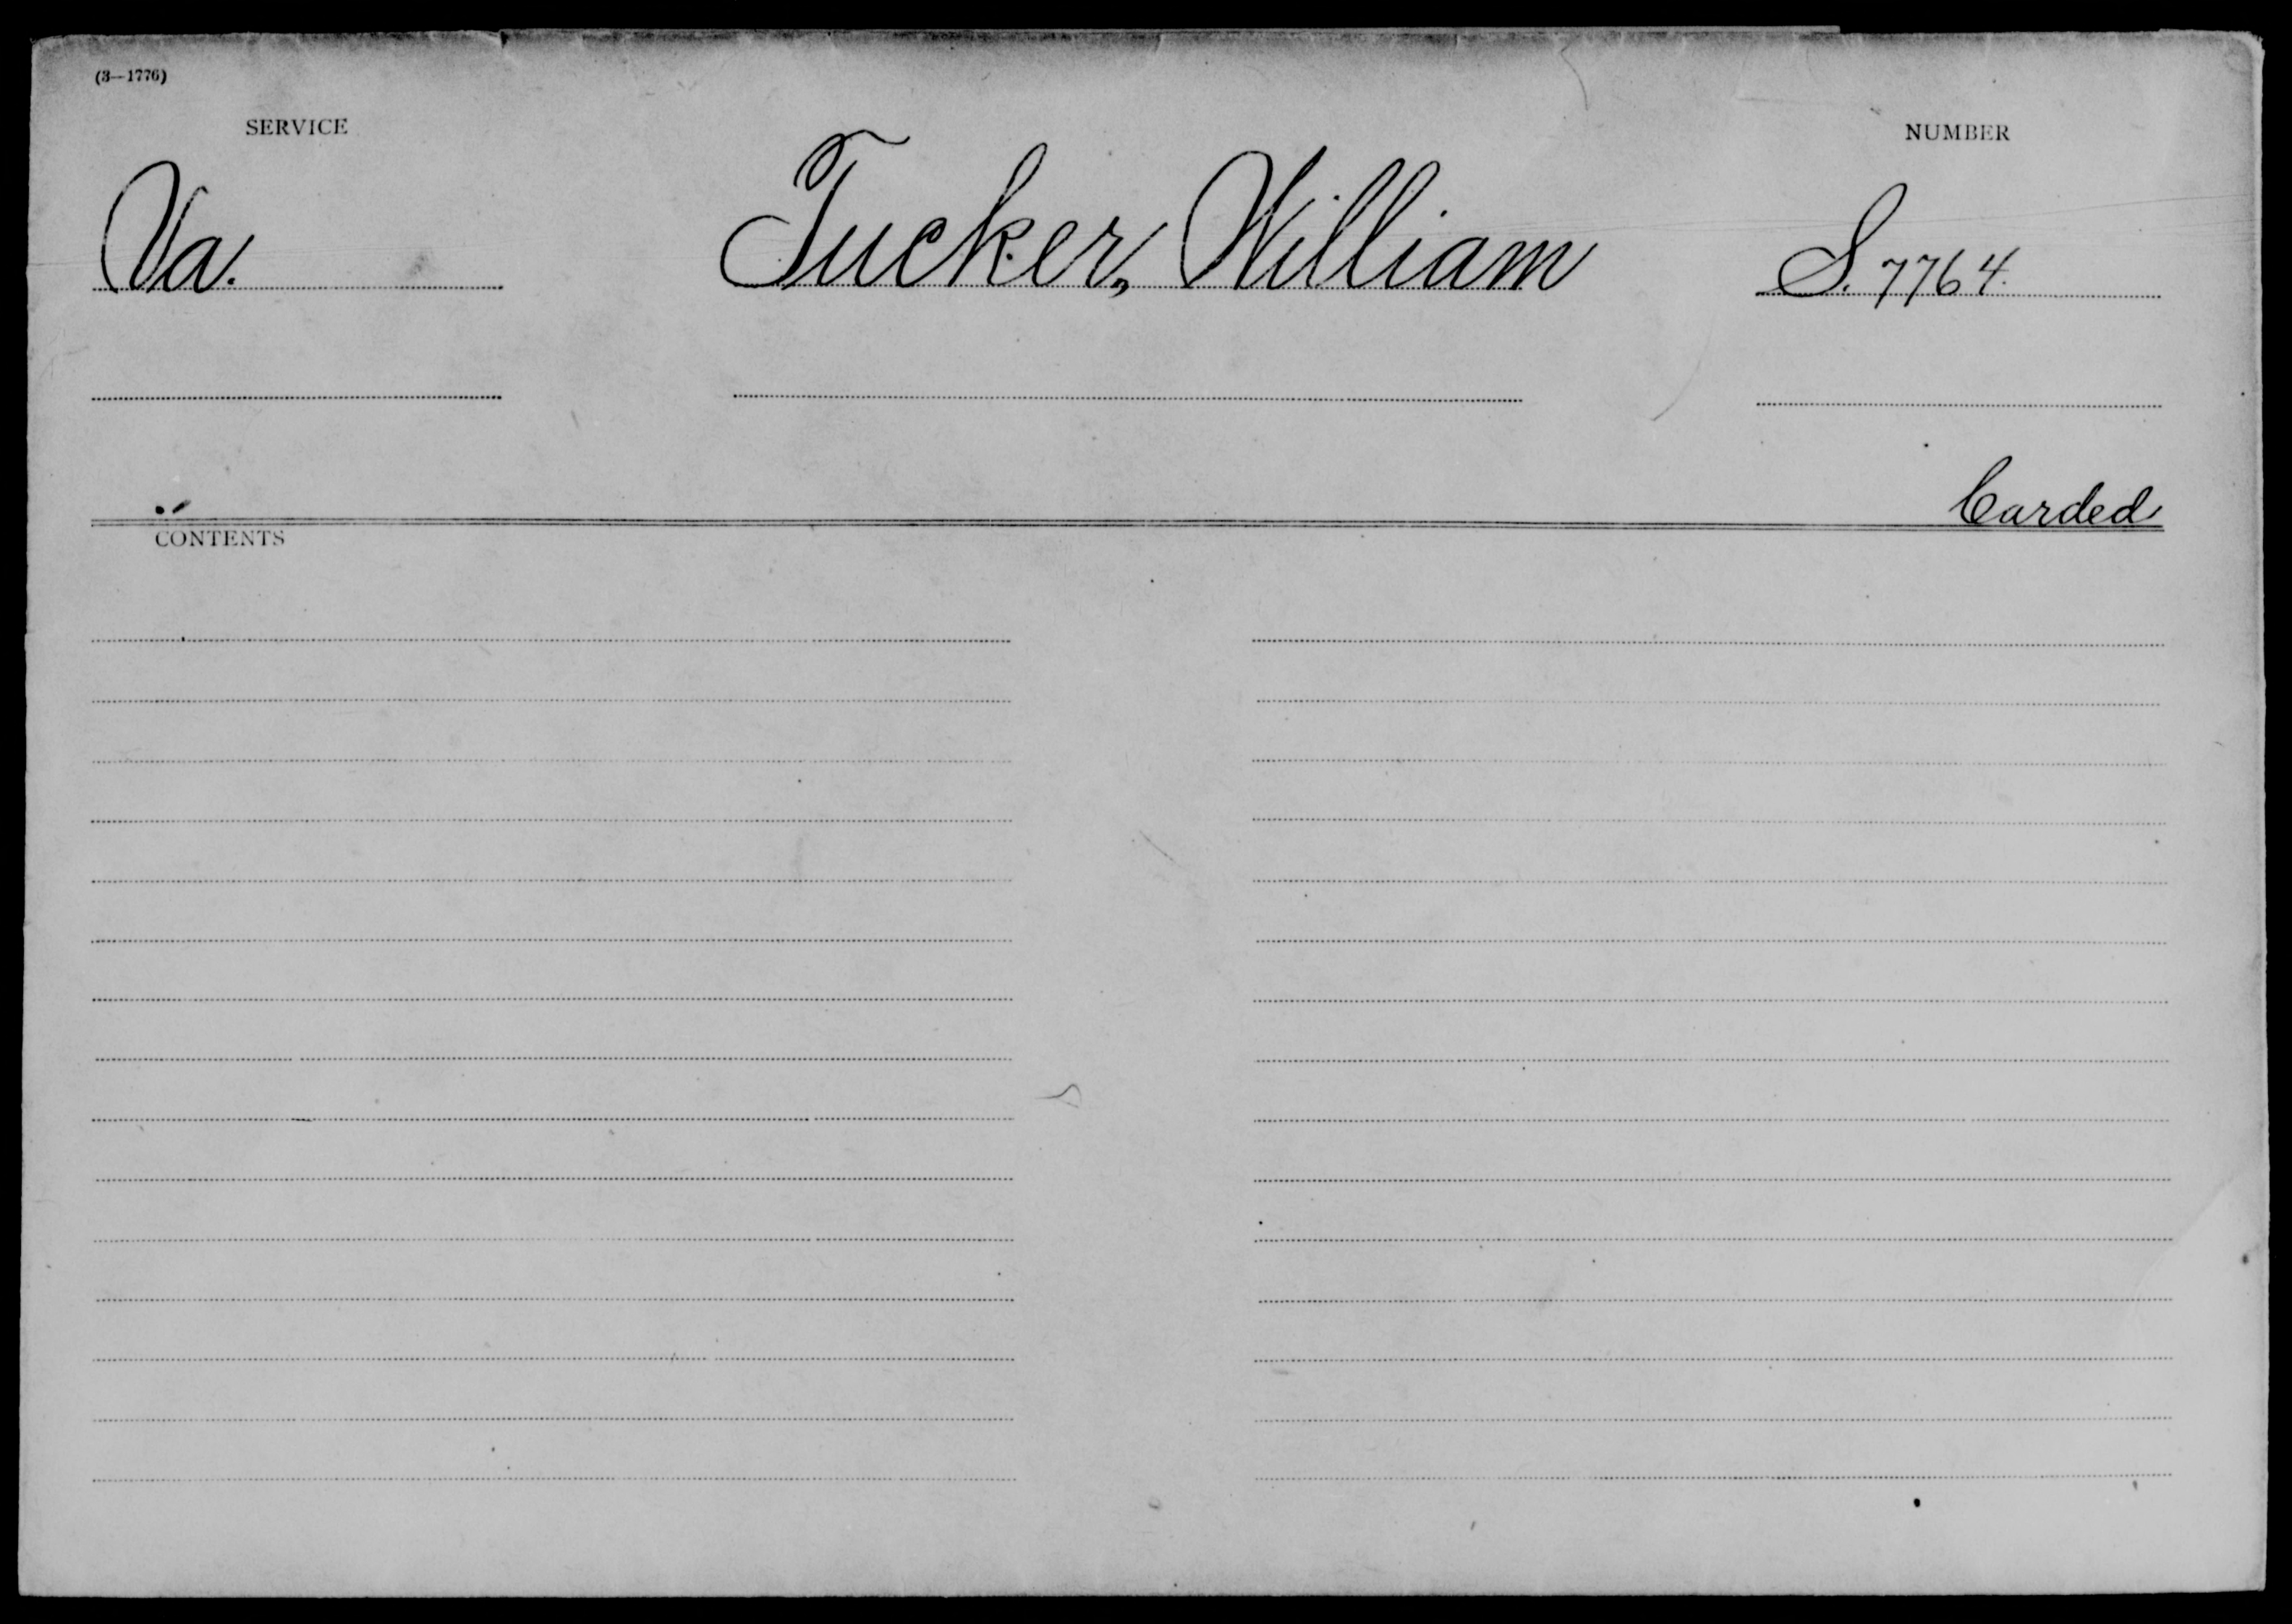(3-1776)
SERVICE
Va.

Tucker, William

NUMBER
S.7764

Carded

CONTENTS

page: 1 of 13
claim: survivor's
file: S. 7764, William Tucker, Va.